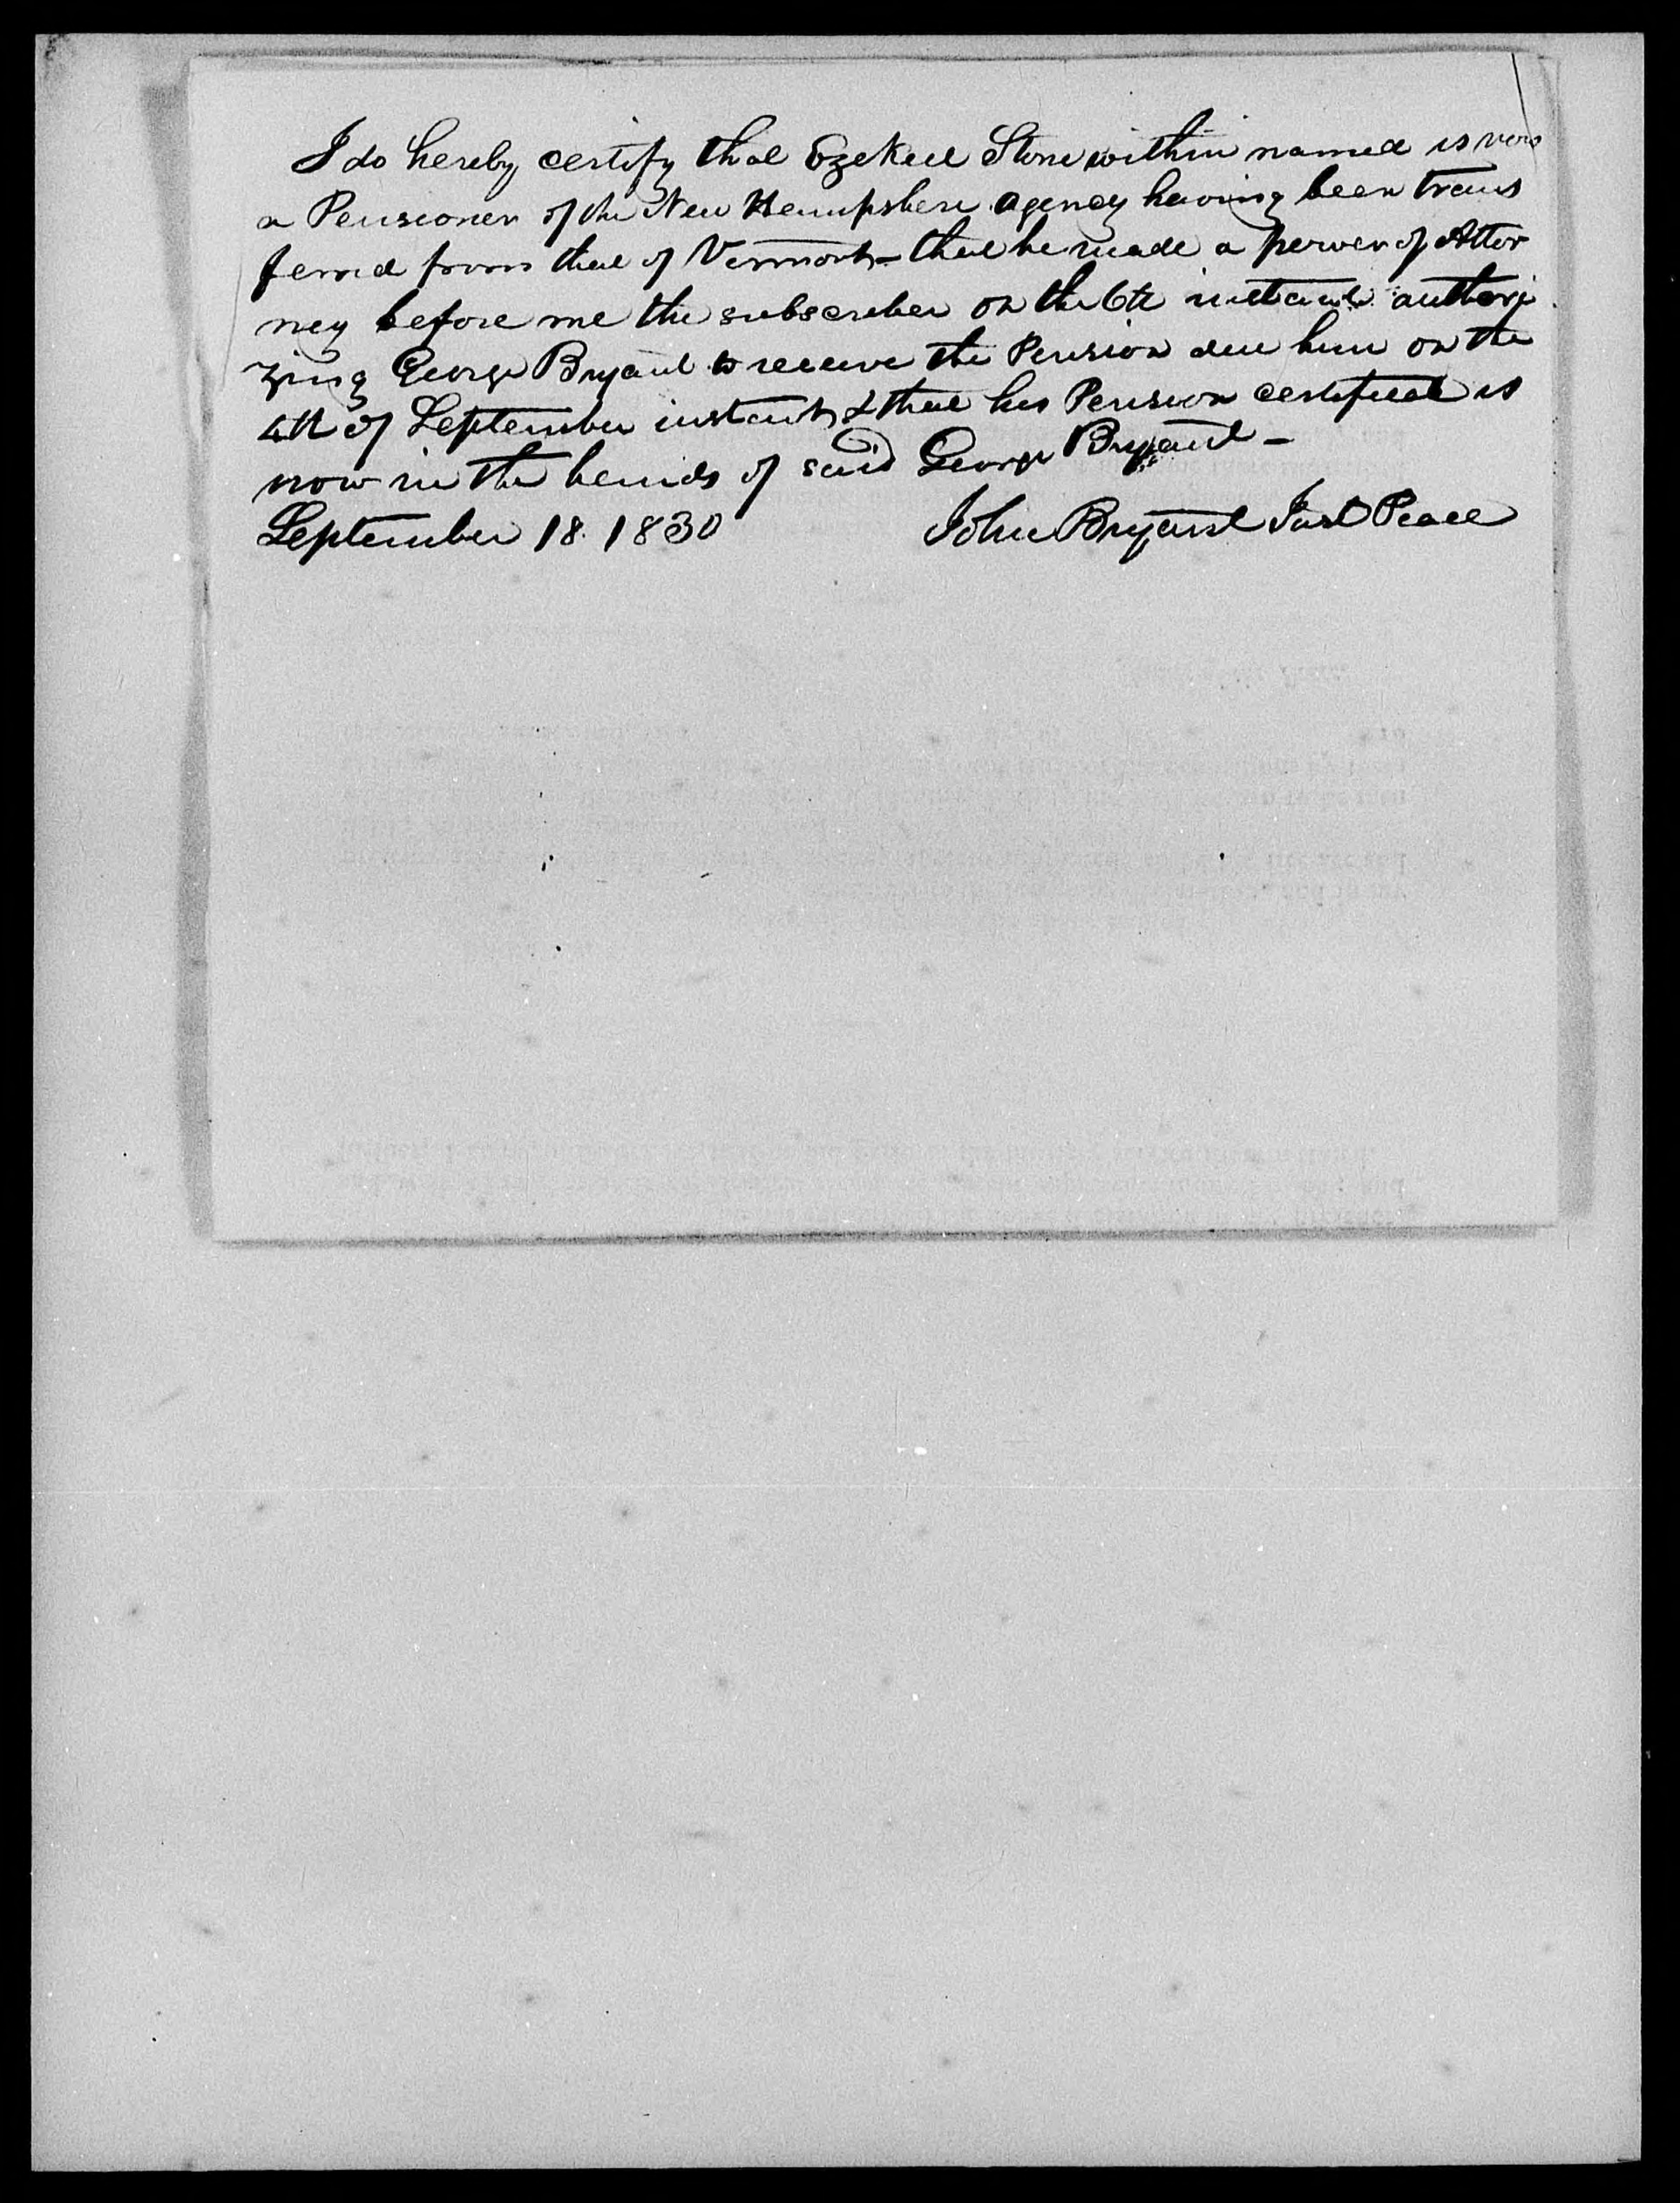I do hereby certify that Ezekiel Stone within named is now a Pensioner of the New Hampshire agency having been transferred from that of Vermont--that he made a power of Attorney before me the subscriber on the 6th instant authorizing George Bryant to receive the Pension due him on the 4th of September instant & that his Pension certificate is now in the hands of said George Bryant--
September 18, 1830
John Bryant  Just Peace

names: George Bryant; John Bryant; Ezekiel Stone; George Bryant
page: 16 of 38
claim: survivor's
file: S. 43181, for Ezekiel Stone, New Hampshire